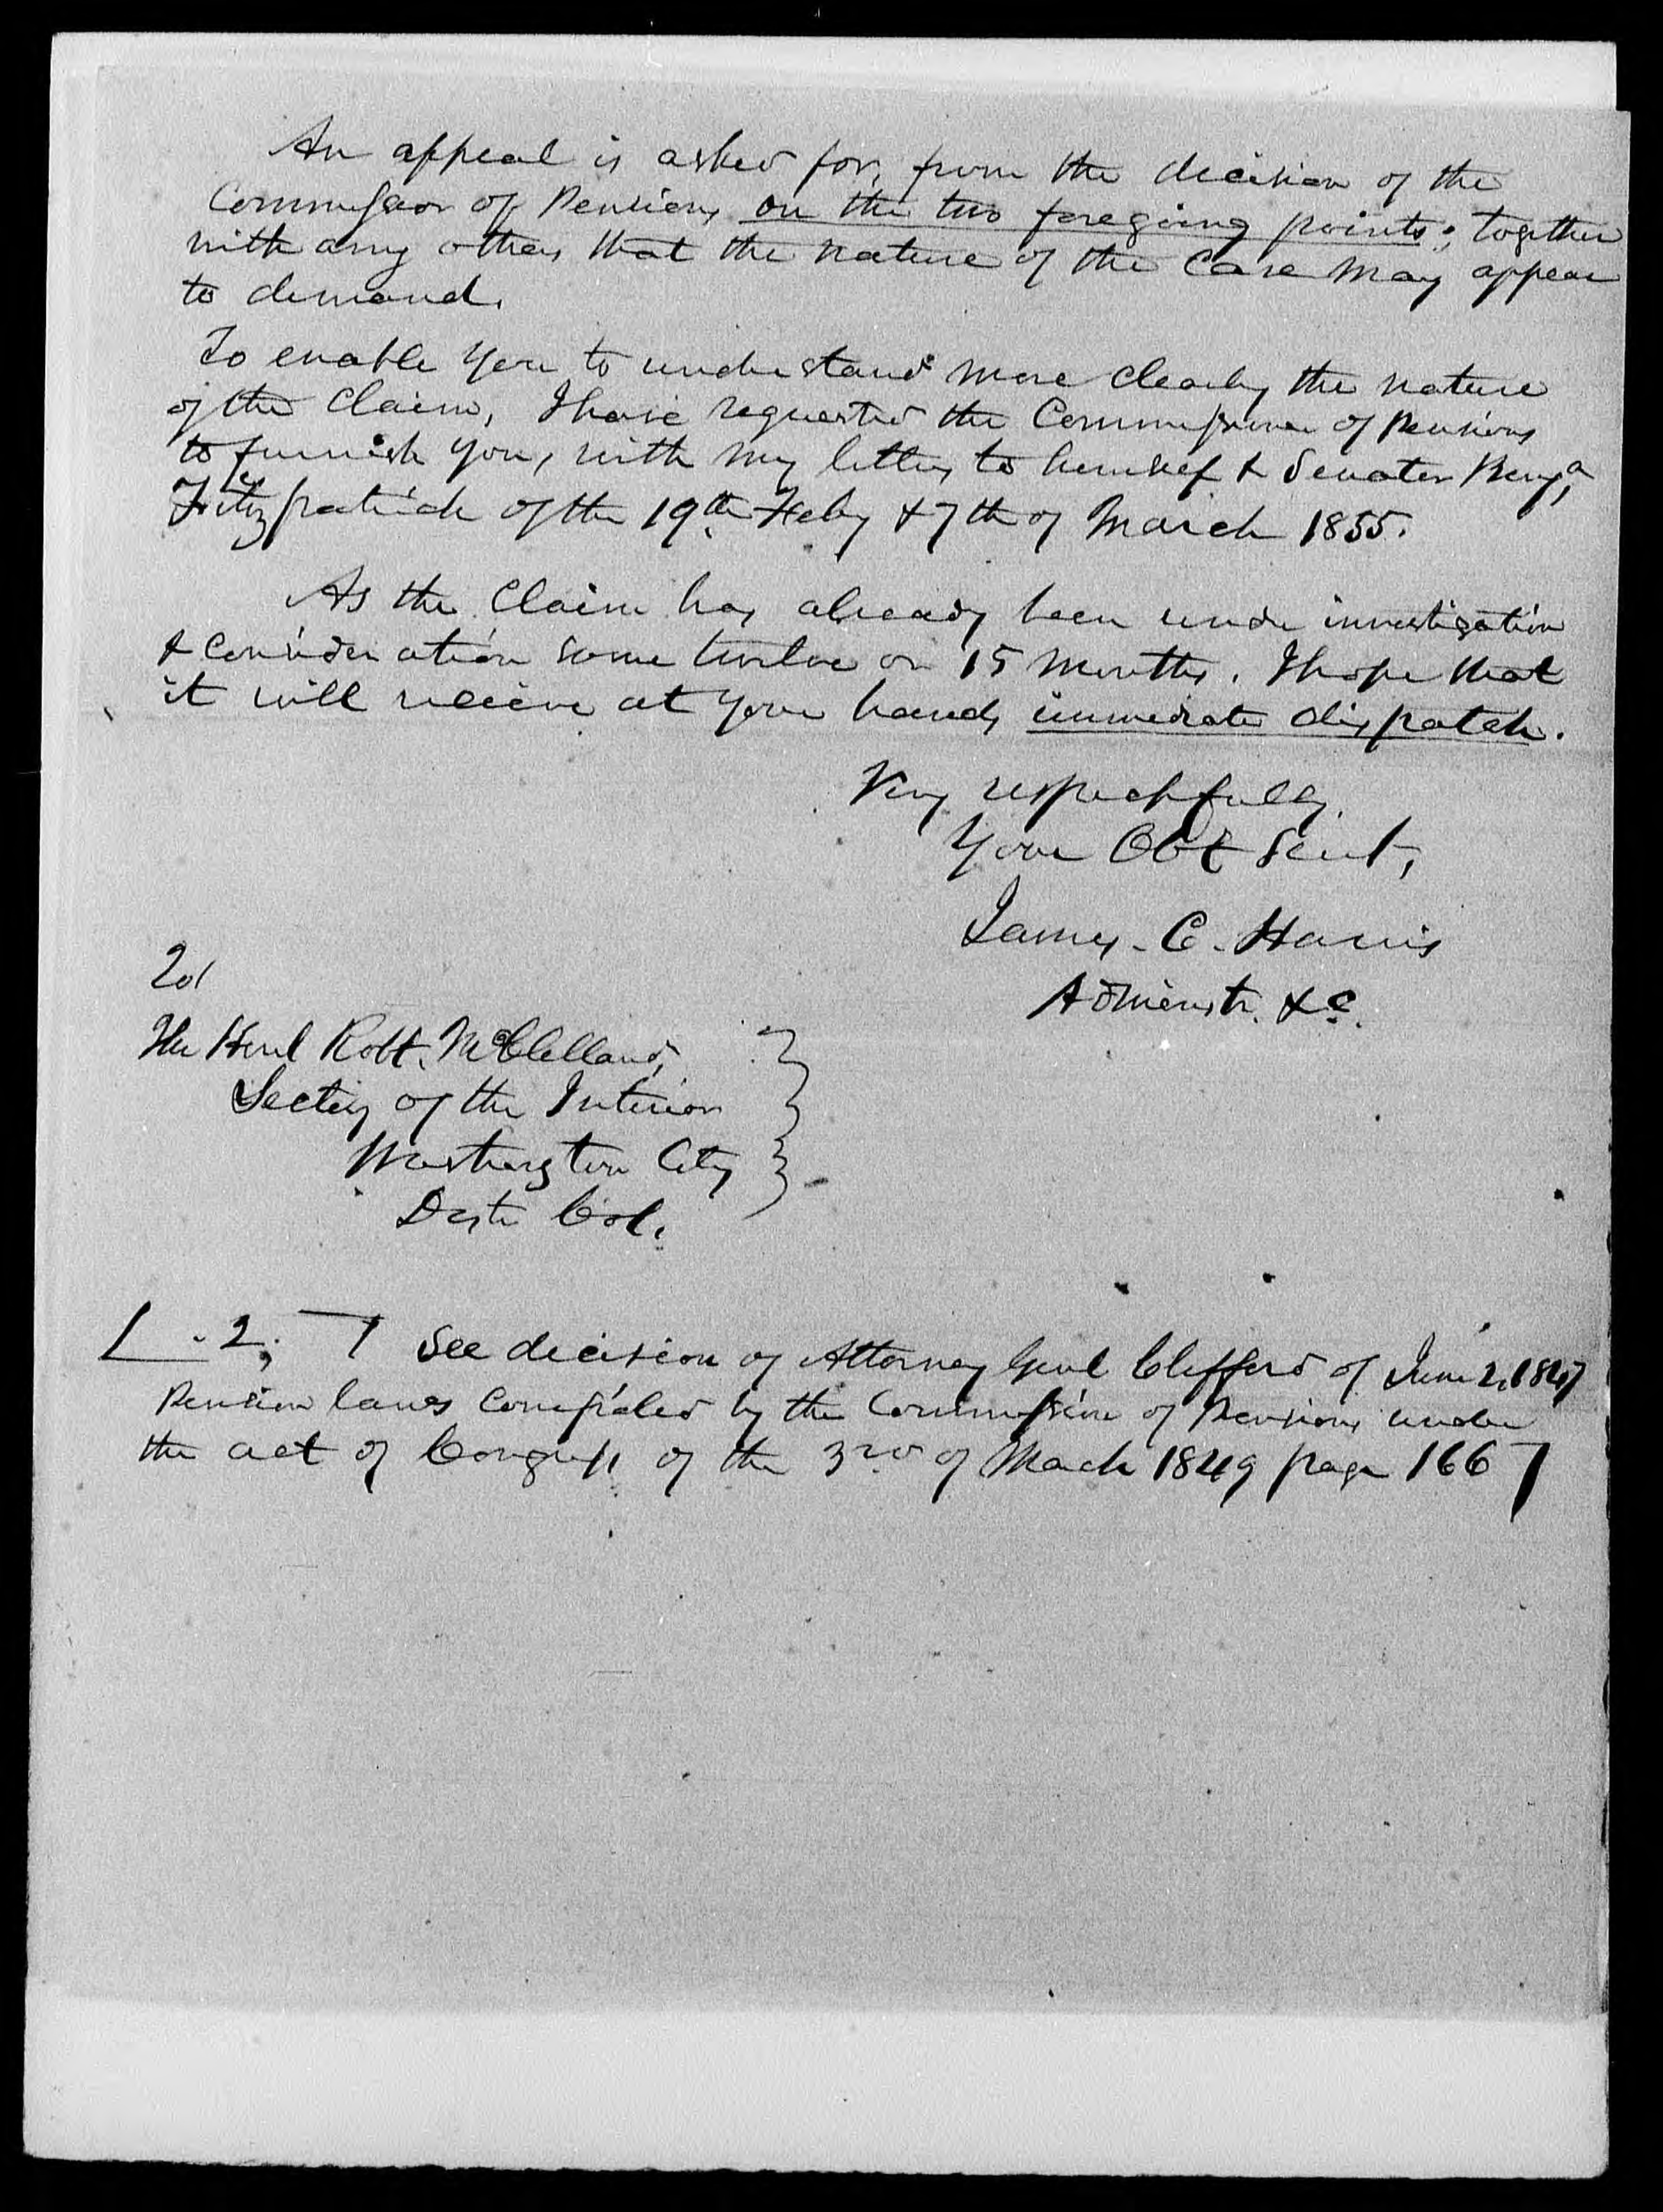An appeal is asked for, from the decision of the Commissnr of Pensions on the two foregoing points, together with any others that the nature of the case may appear to demand.
To enable you to understand more clearly the nature of the claim, I have requested the Commissioner of Pensions to furnish you, with my letter to himself & Senator Benja Fitzpatrick of the 19th Feby & 7th of March 1855.
As the claim has already been under investigation, & consideration some twelve or 15 months, I hope that it will receive at your hand, immediate dispatch.
Very respectfully,
Your Obt Servt,
James C. Harris
Adminstr &c.

To/
The Honl Robt. McClelland
Sectry of the Interior
Washington City
Distr Col.

(2)  See decision of Attorney Genl Clifford of June 2, 1847 Pension laws compiled by the Commissioner of Pensions under the act of Congress of the 3rd of March 1749 page 166)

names: Benja Fitzpatrick, James C Harris, Clifford, Robt Mc Clelland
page: 87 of 160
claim: rejected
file: R. 4666, James Harris, Va.